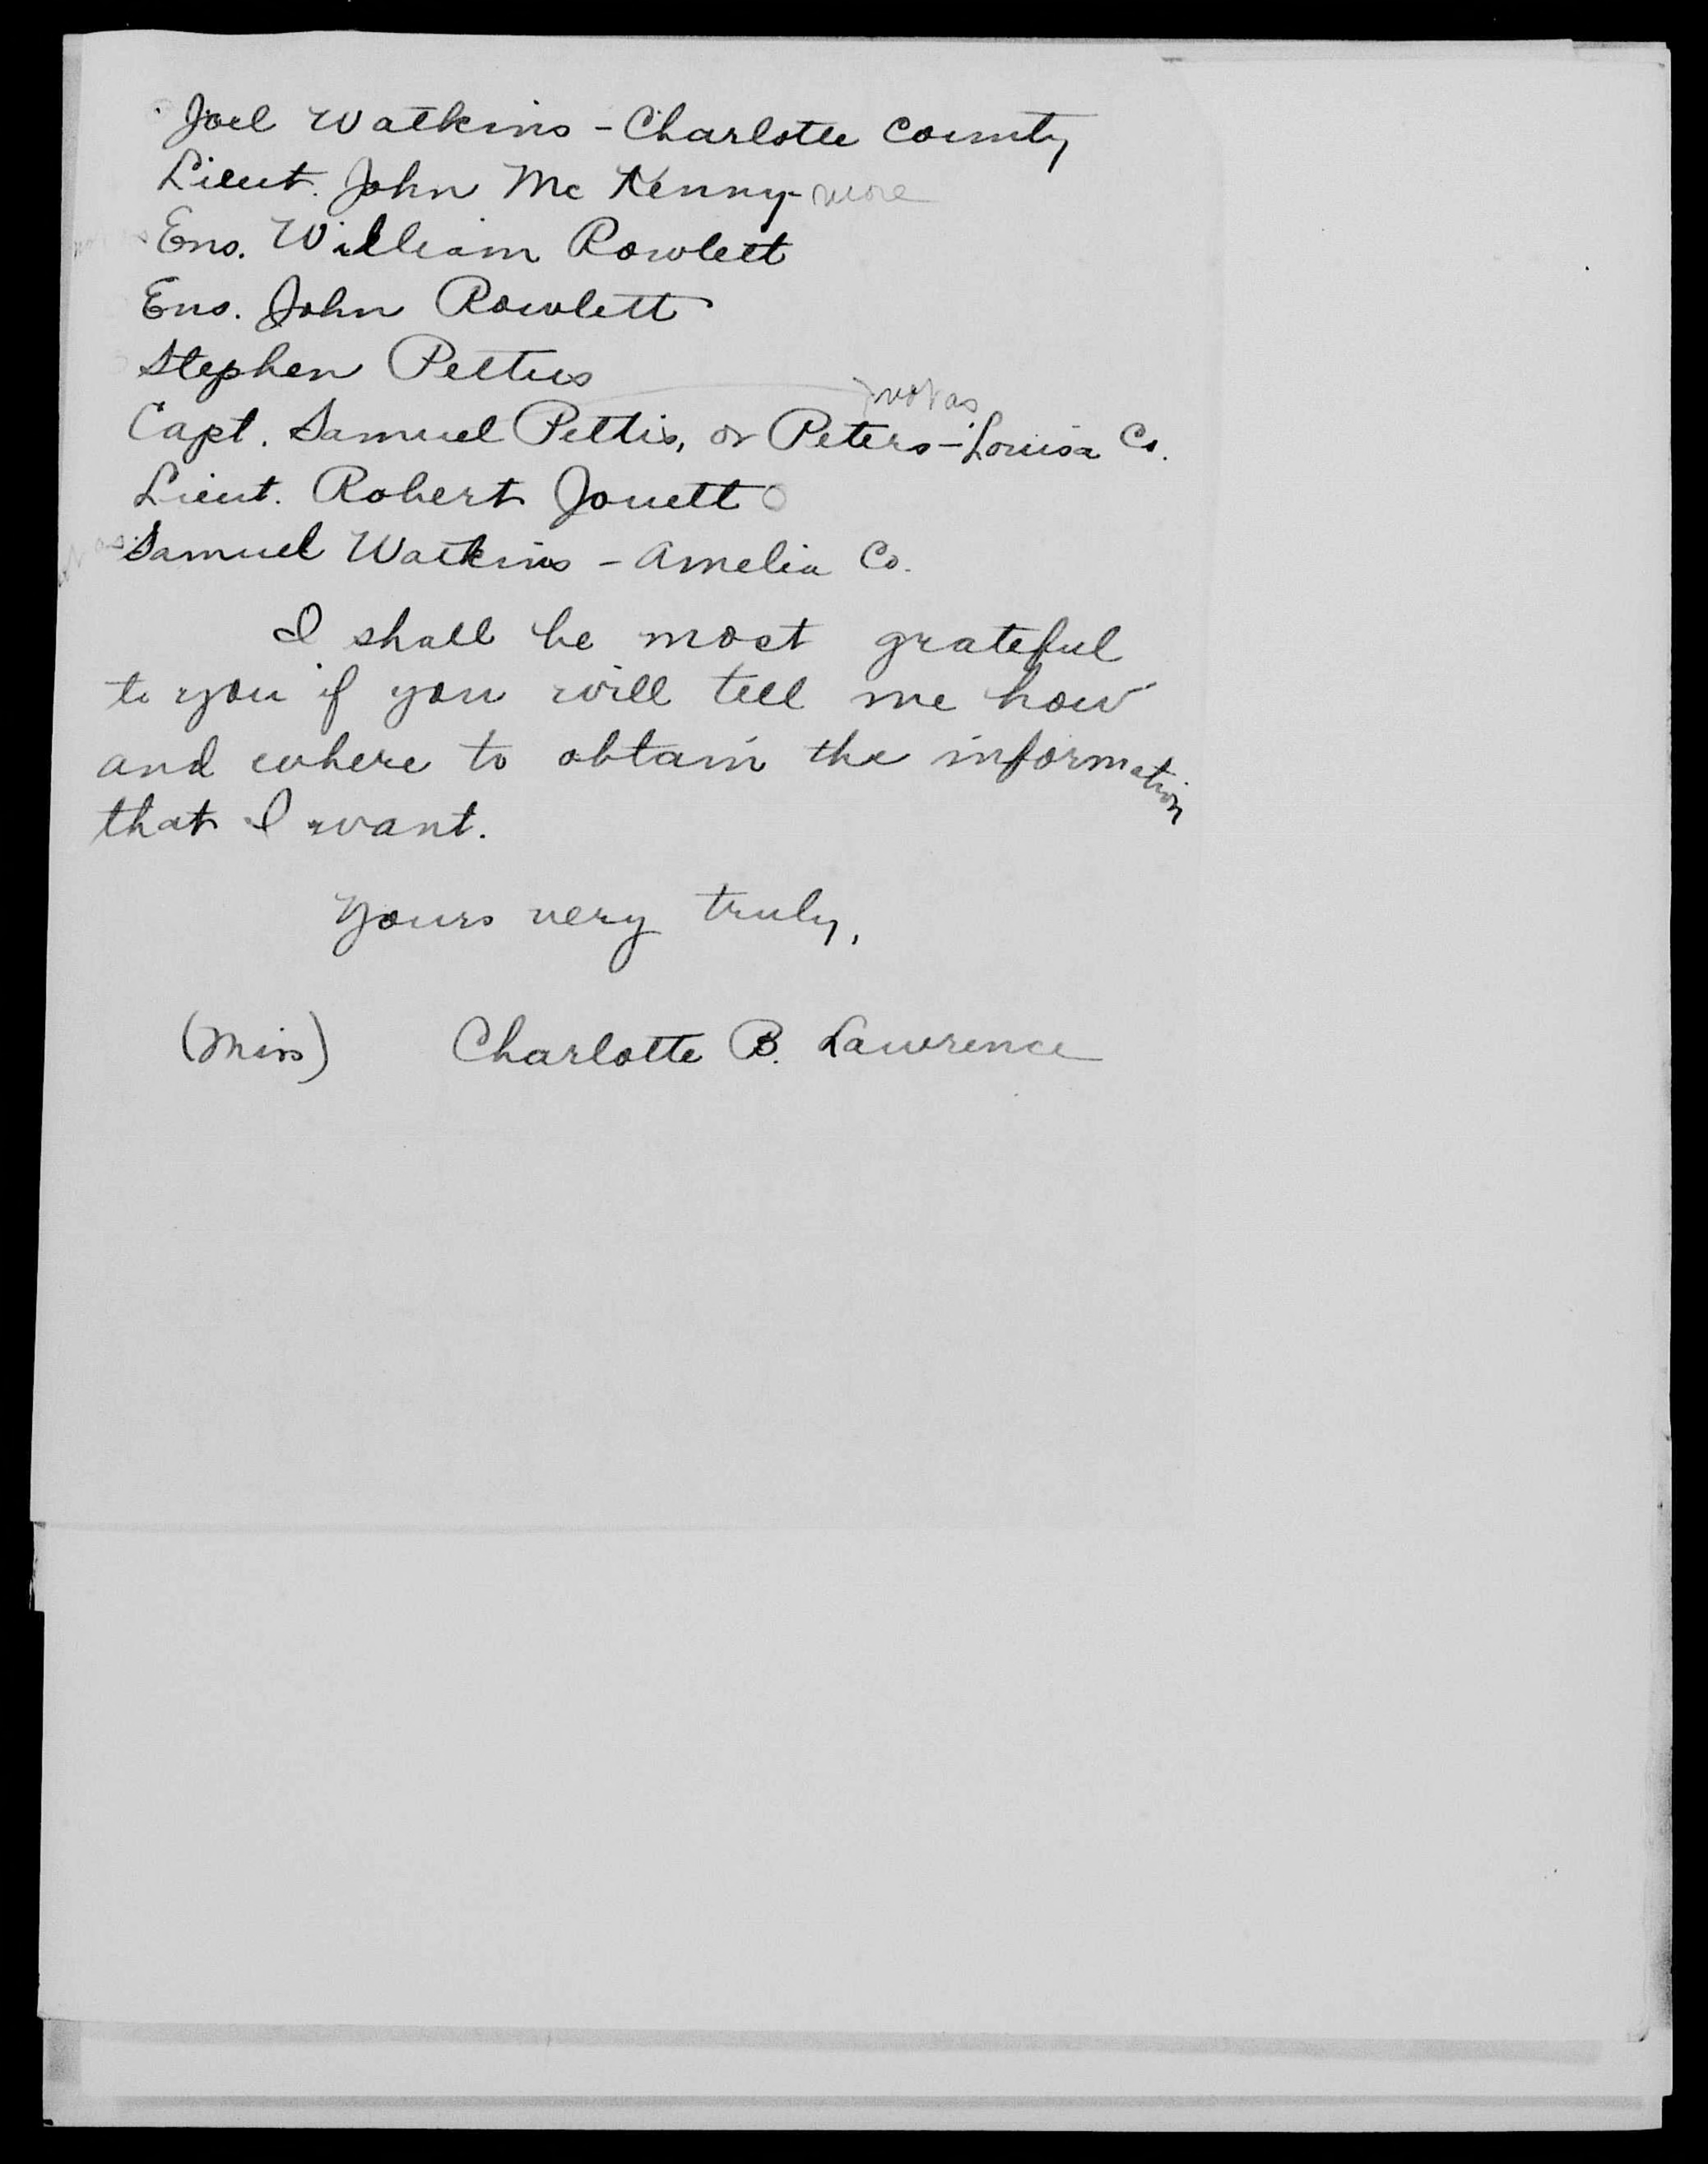Joel Watkins - Charlotte County
Lieut. John McKenny more
Ens. William Rowlett
Ens. John Rowlett
Stephen Petties
vokas
Capt. Samuel Pettis, or Peters Louisa Co.
Lieut. Robert Jonett
Samuel Watkins - Amelia Co
I shall be most grateful
to you if you will tell me how
and where to obtain the information
that I want
Yours very truly,
(Miss) Charlotte B. Lawrence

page: 23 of 27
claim: survivor's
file: S. 5,955, for Thomas Pulliam, Virginia